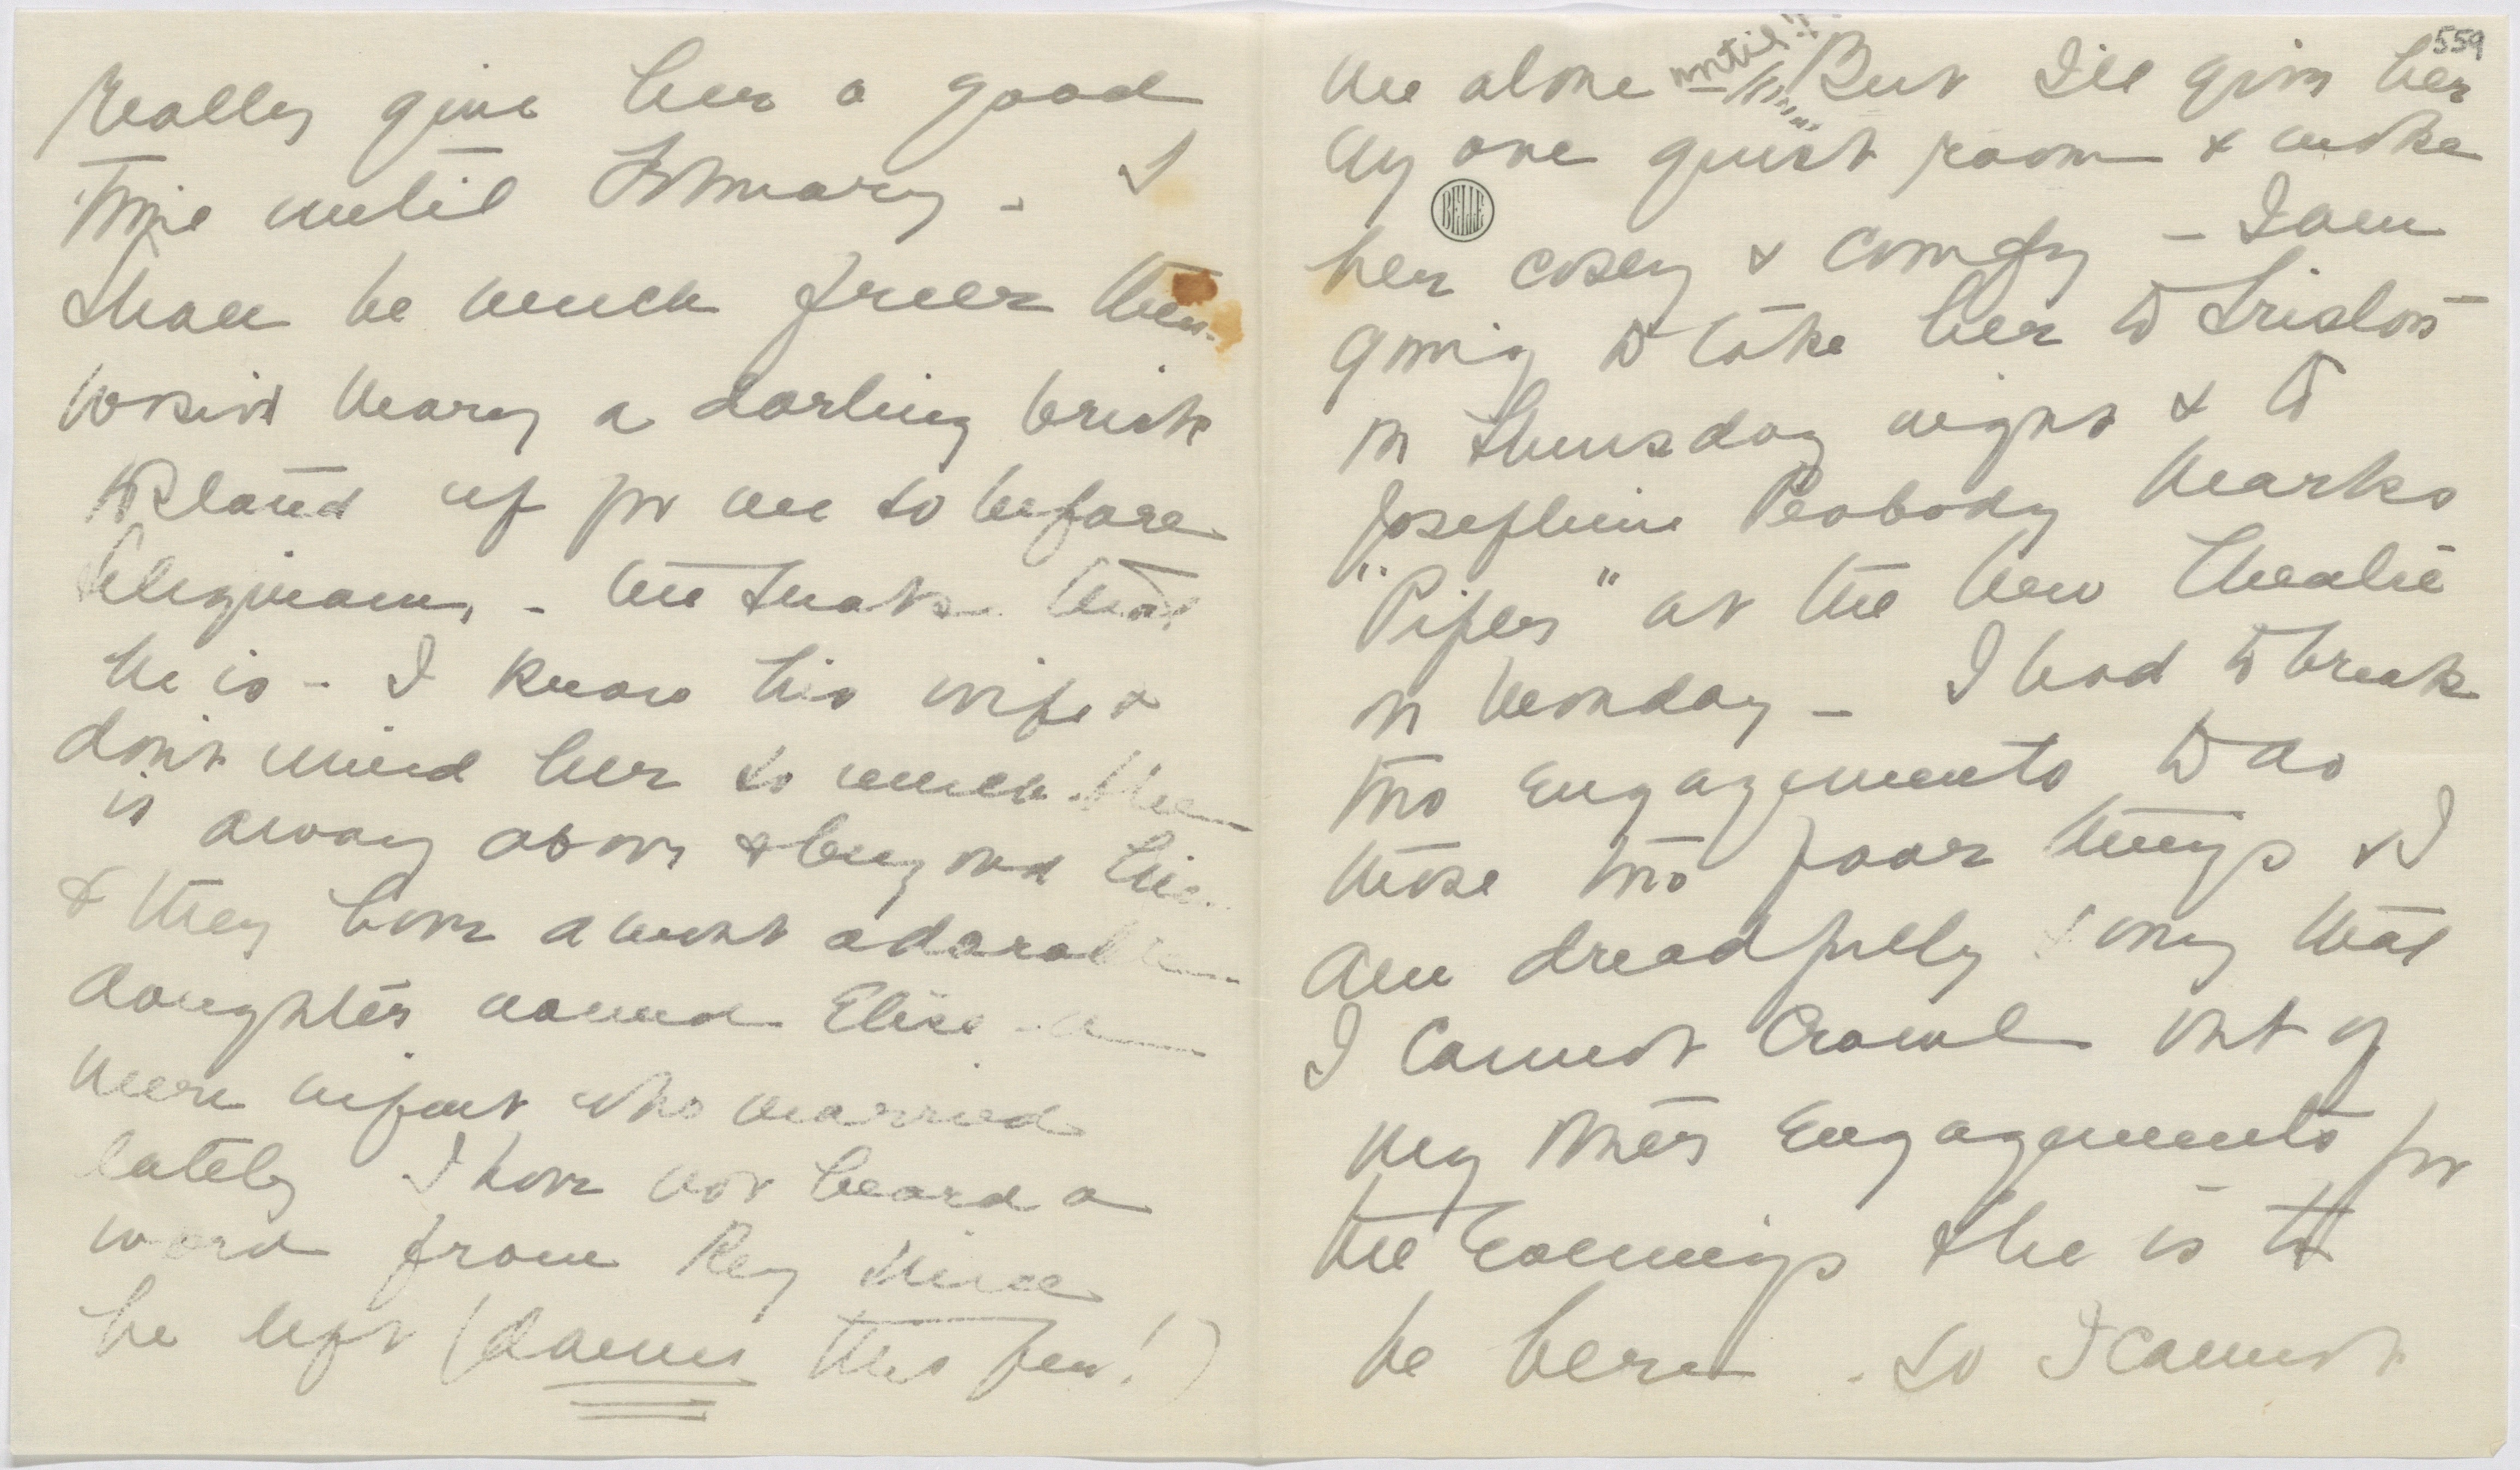me alone – [^[octuple underlined: until]!!^] But I’ll give her my one guest room & make her cosey & comfy – I am going to take her to Tristan on Thursday night & to Josephine Peabody Marks “Piper” at the New Theatre on Monday – I had to break two engagements to do those two poor things & I am dreadfully sorry that I cannot crawl out of my other engagements for the evenings she is to be here. so I cannot
really give her a good time until February – I shall be much freer then. wasn’t Mary a darling brick to stand up for me so before Seligmann – the snake that he is – I know his wife & don’t mind her so much. she is away [sic] above & beyond him & they have a most adorable daughter named Elise – a mere import who married lately I have not heard a word from Rey since he left ([triple underlined: damn] this pen!)